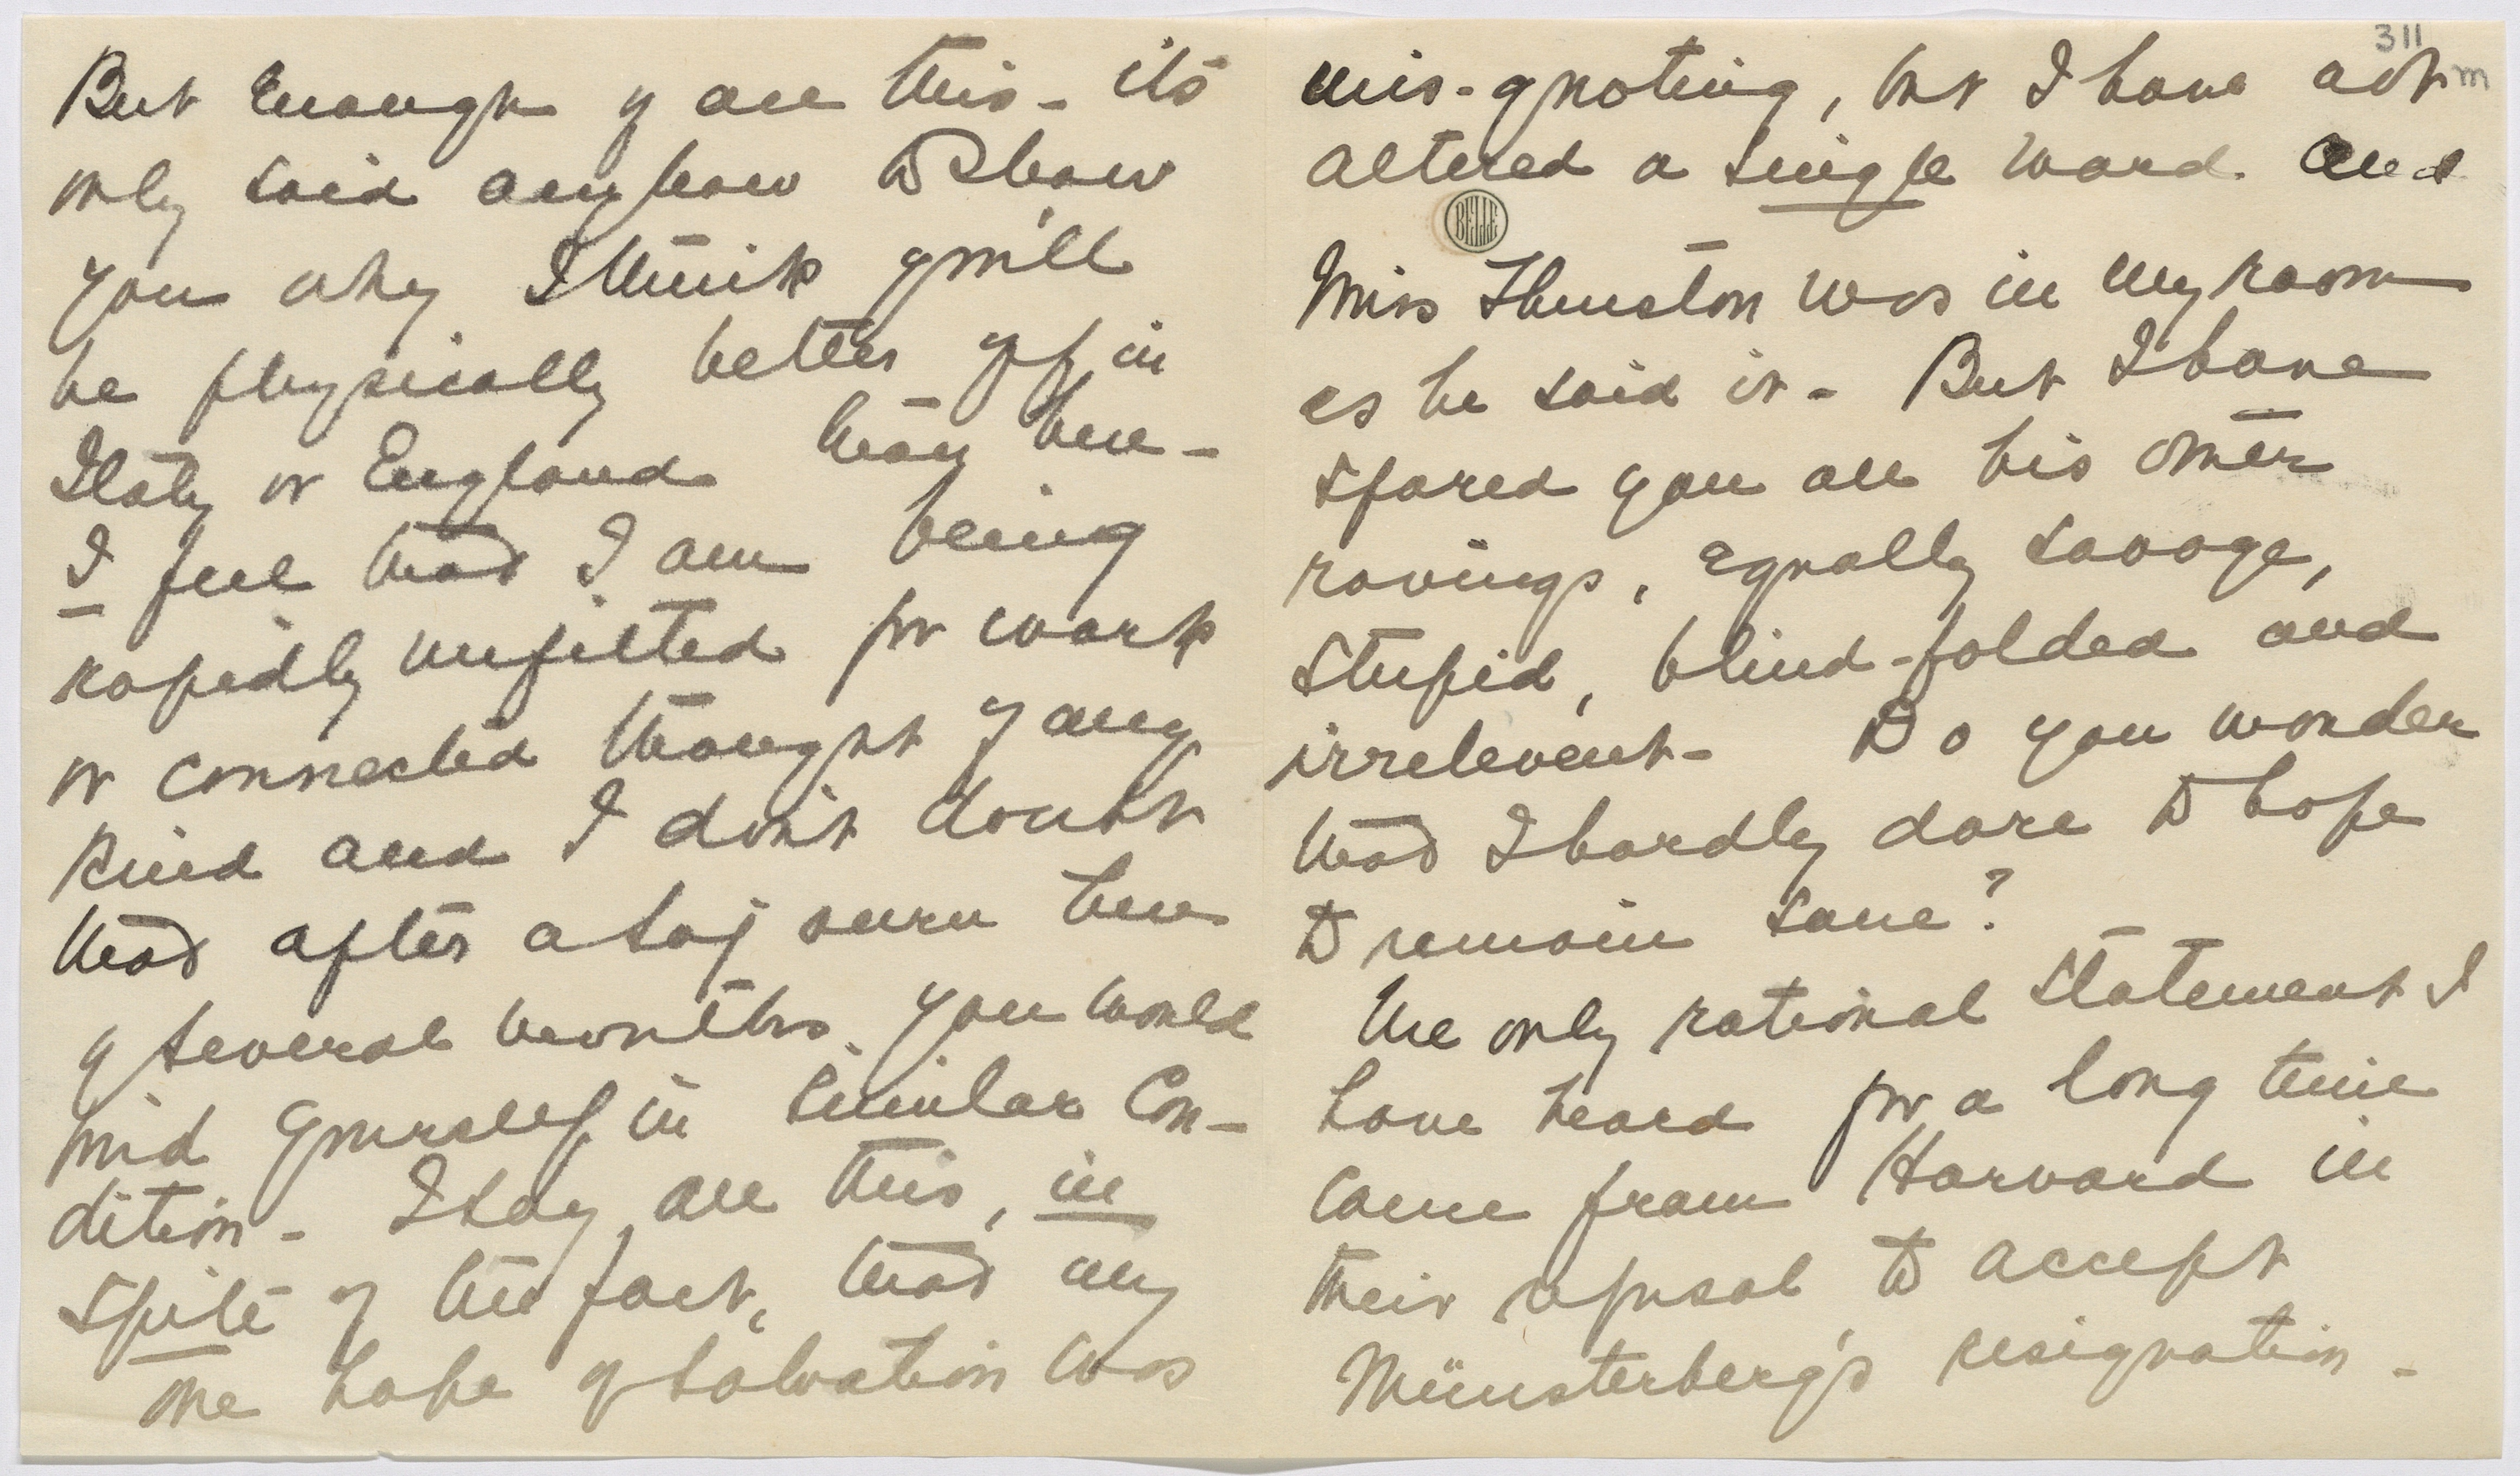mis-quoting, but I have not altered a single word and Miss Thurston was in my room as he said it – But I have spared you all his other ravings, equally savage, stupid, blind-folded and irrelevant – Do you wonder that I hardly dare to hope to remain sane?
The only rational statement I have heard for a long time came from Harvard in their refusal to accept Münsterberg’s resignation –
But enough of all this – it’s only said anyhow to show you why I think you’ll be physically better off in Italy or England than here – I feel that I am being rapidly unfitted for work or connected thought of any kind and I don’t doubt that after a sojourn here of several months you would find yourself in similar condition – I say all this, in spite of the fact, that one hope of salvation was